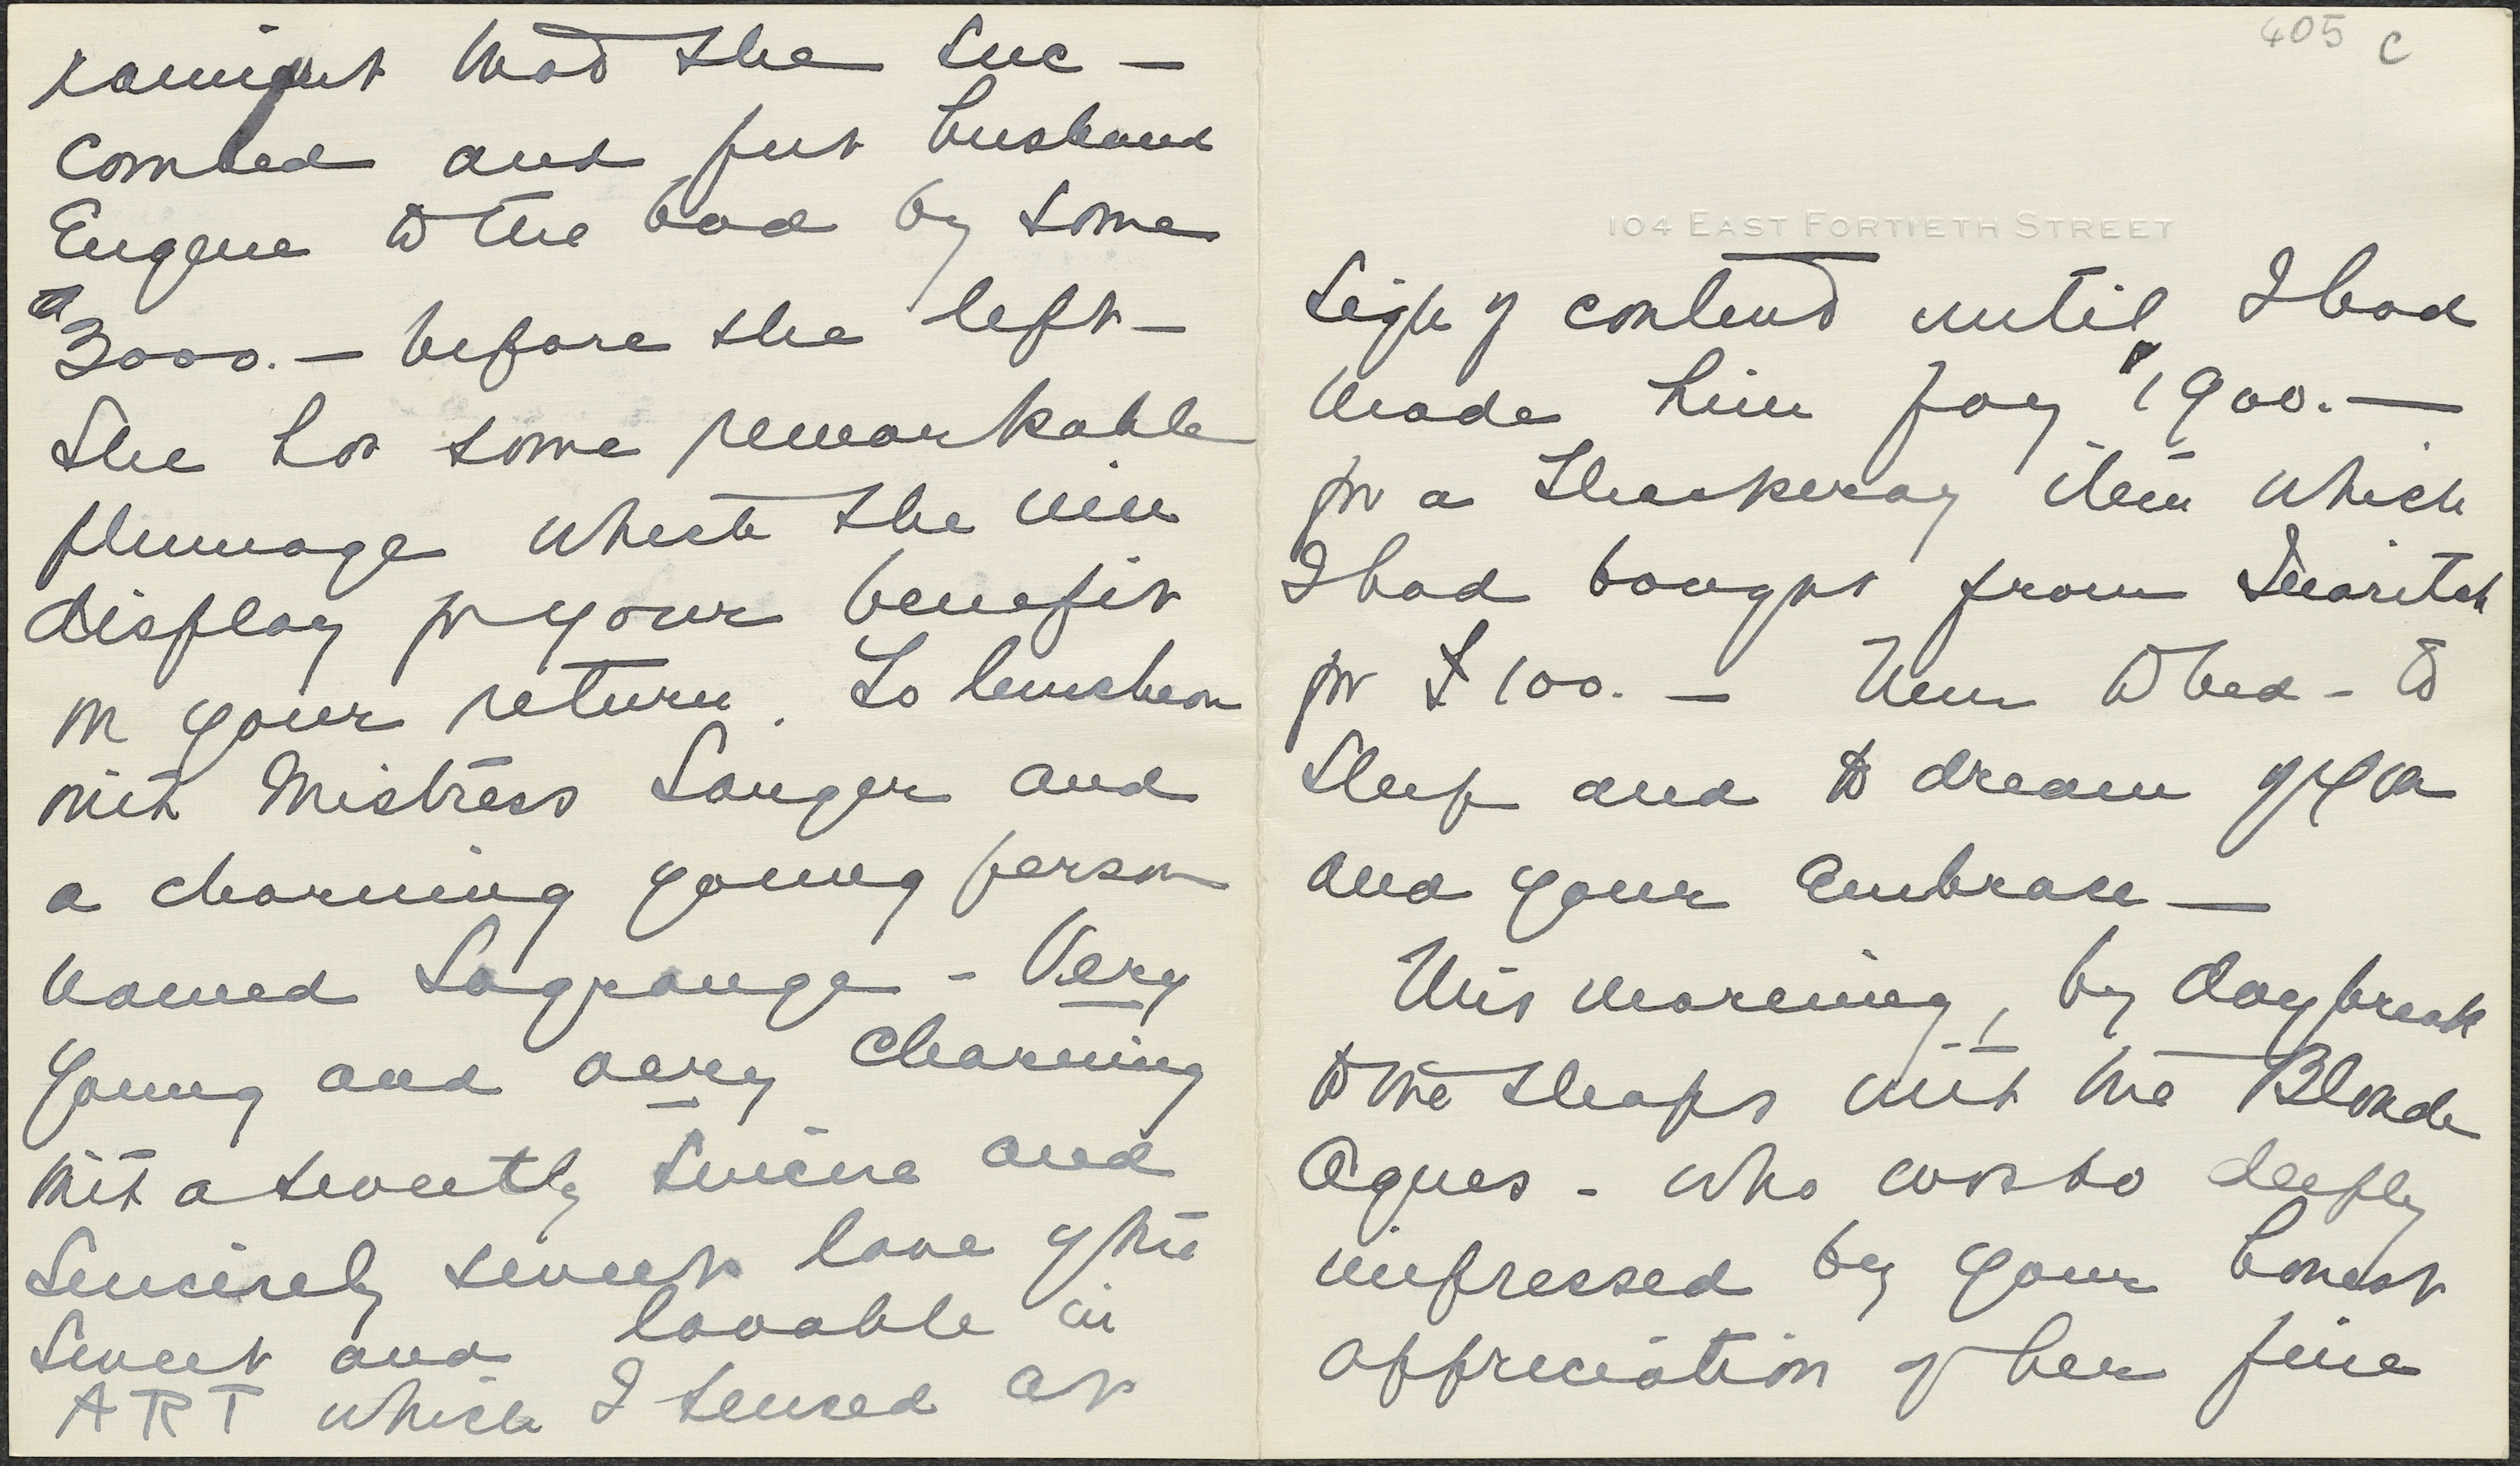sigh of content until I had made him pay $1900. – for a Thackeray item which I had bought from Quaritch for £100. – Then to bed – to sleep and to dream of you and your embrace –
This morning, by daybreak to the shops with the Blonde Agnes – who was so deeply impressed by your honest appreciation of her fine
raiment that she succombed [sic] and put husband Eugene to the bad by some $3000. – before she left – she has some remarkable plumage which she will display for your benefit on your return. To luncheon with Mistress Sanger and a charming young person named Lagrange – Very young and very charming with a sweetly sincere and sincerely sweet love of the sweet and lovable in ART which I sensed at